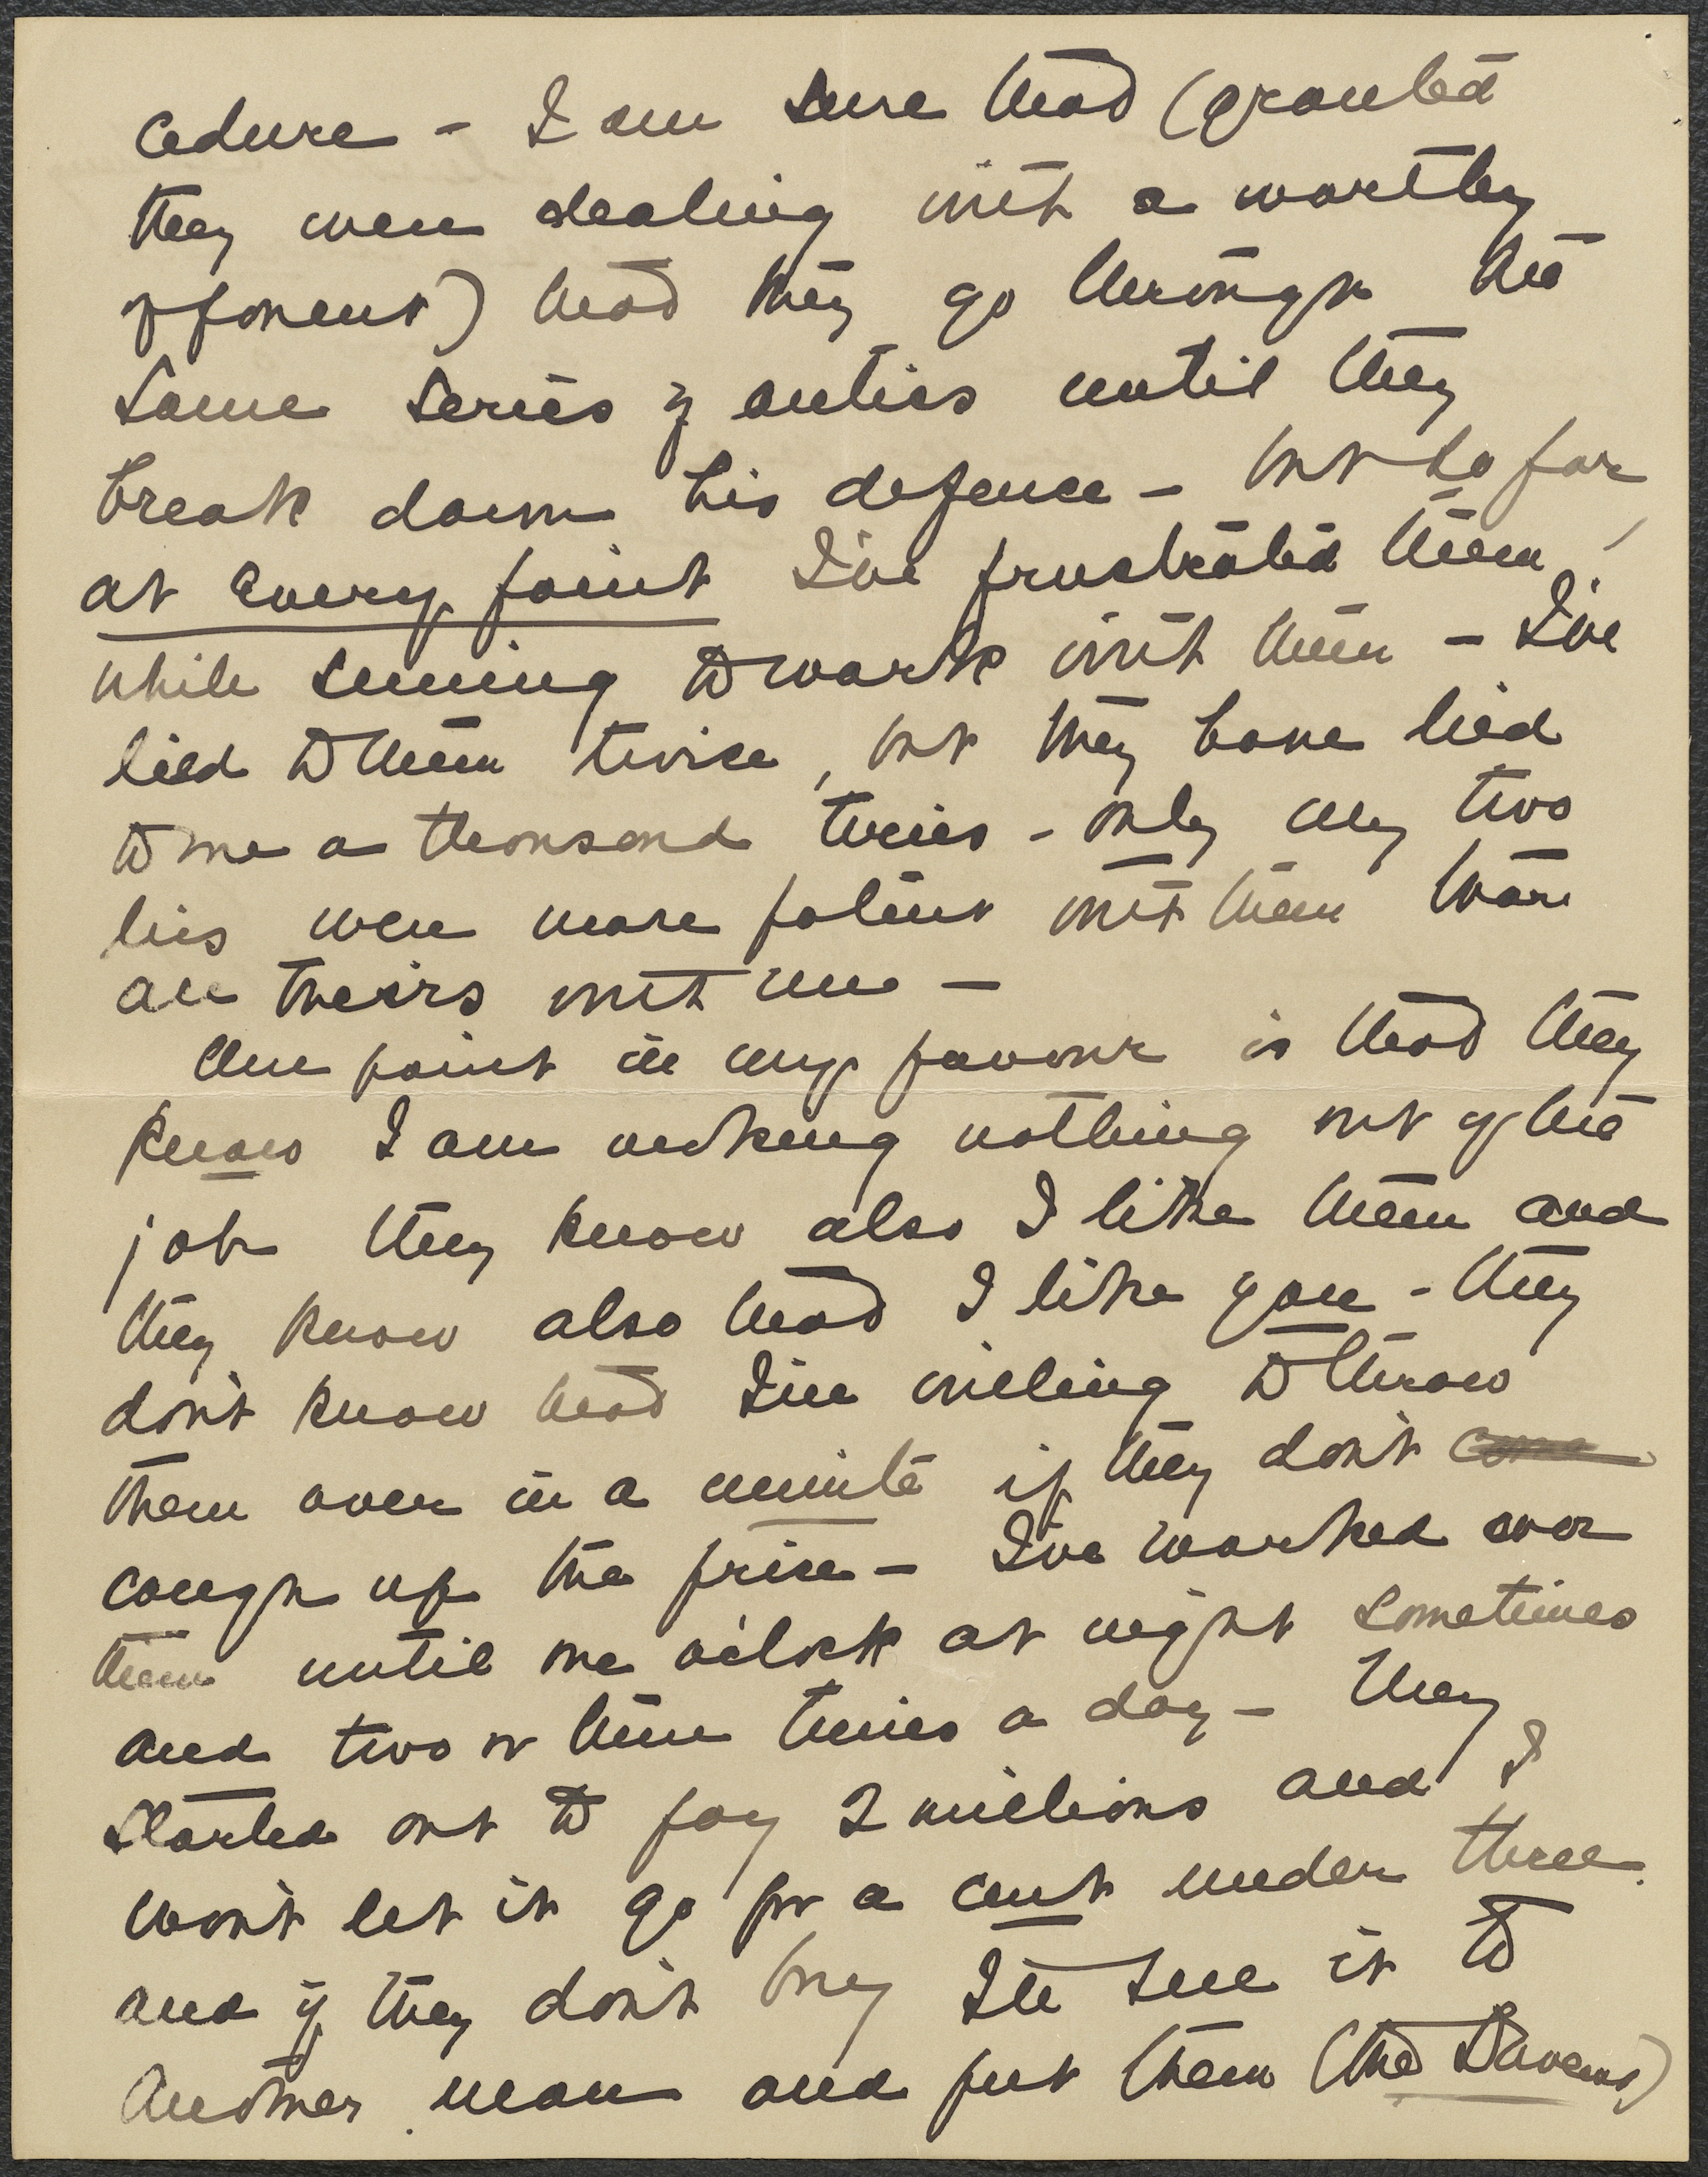procedure – I am sure that (granted they were dealing with a worthy opponent) that they go through the same series of antics until they break down his defense – but so far at every point I’ve frustrated them while seeming to work with them – I’ve lied to them twice, but they both lied to me a thousand times – only my two lies were more potent with them than all theirs with me –
One point in my favour is that they know I am making nothing out of the job they know also I like them and they know also that I like you – they don’t know that I’m willing to throw them over in a minute if they don’t com cough up the price – I’ve worked over them until one o’clock at night sometimes and two or three times a day – they started out to pay 2 millions and I won’t let it go for a cent under three and if they don’t buy I’ll sell it to another man and put them (the Duveens)